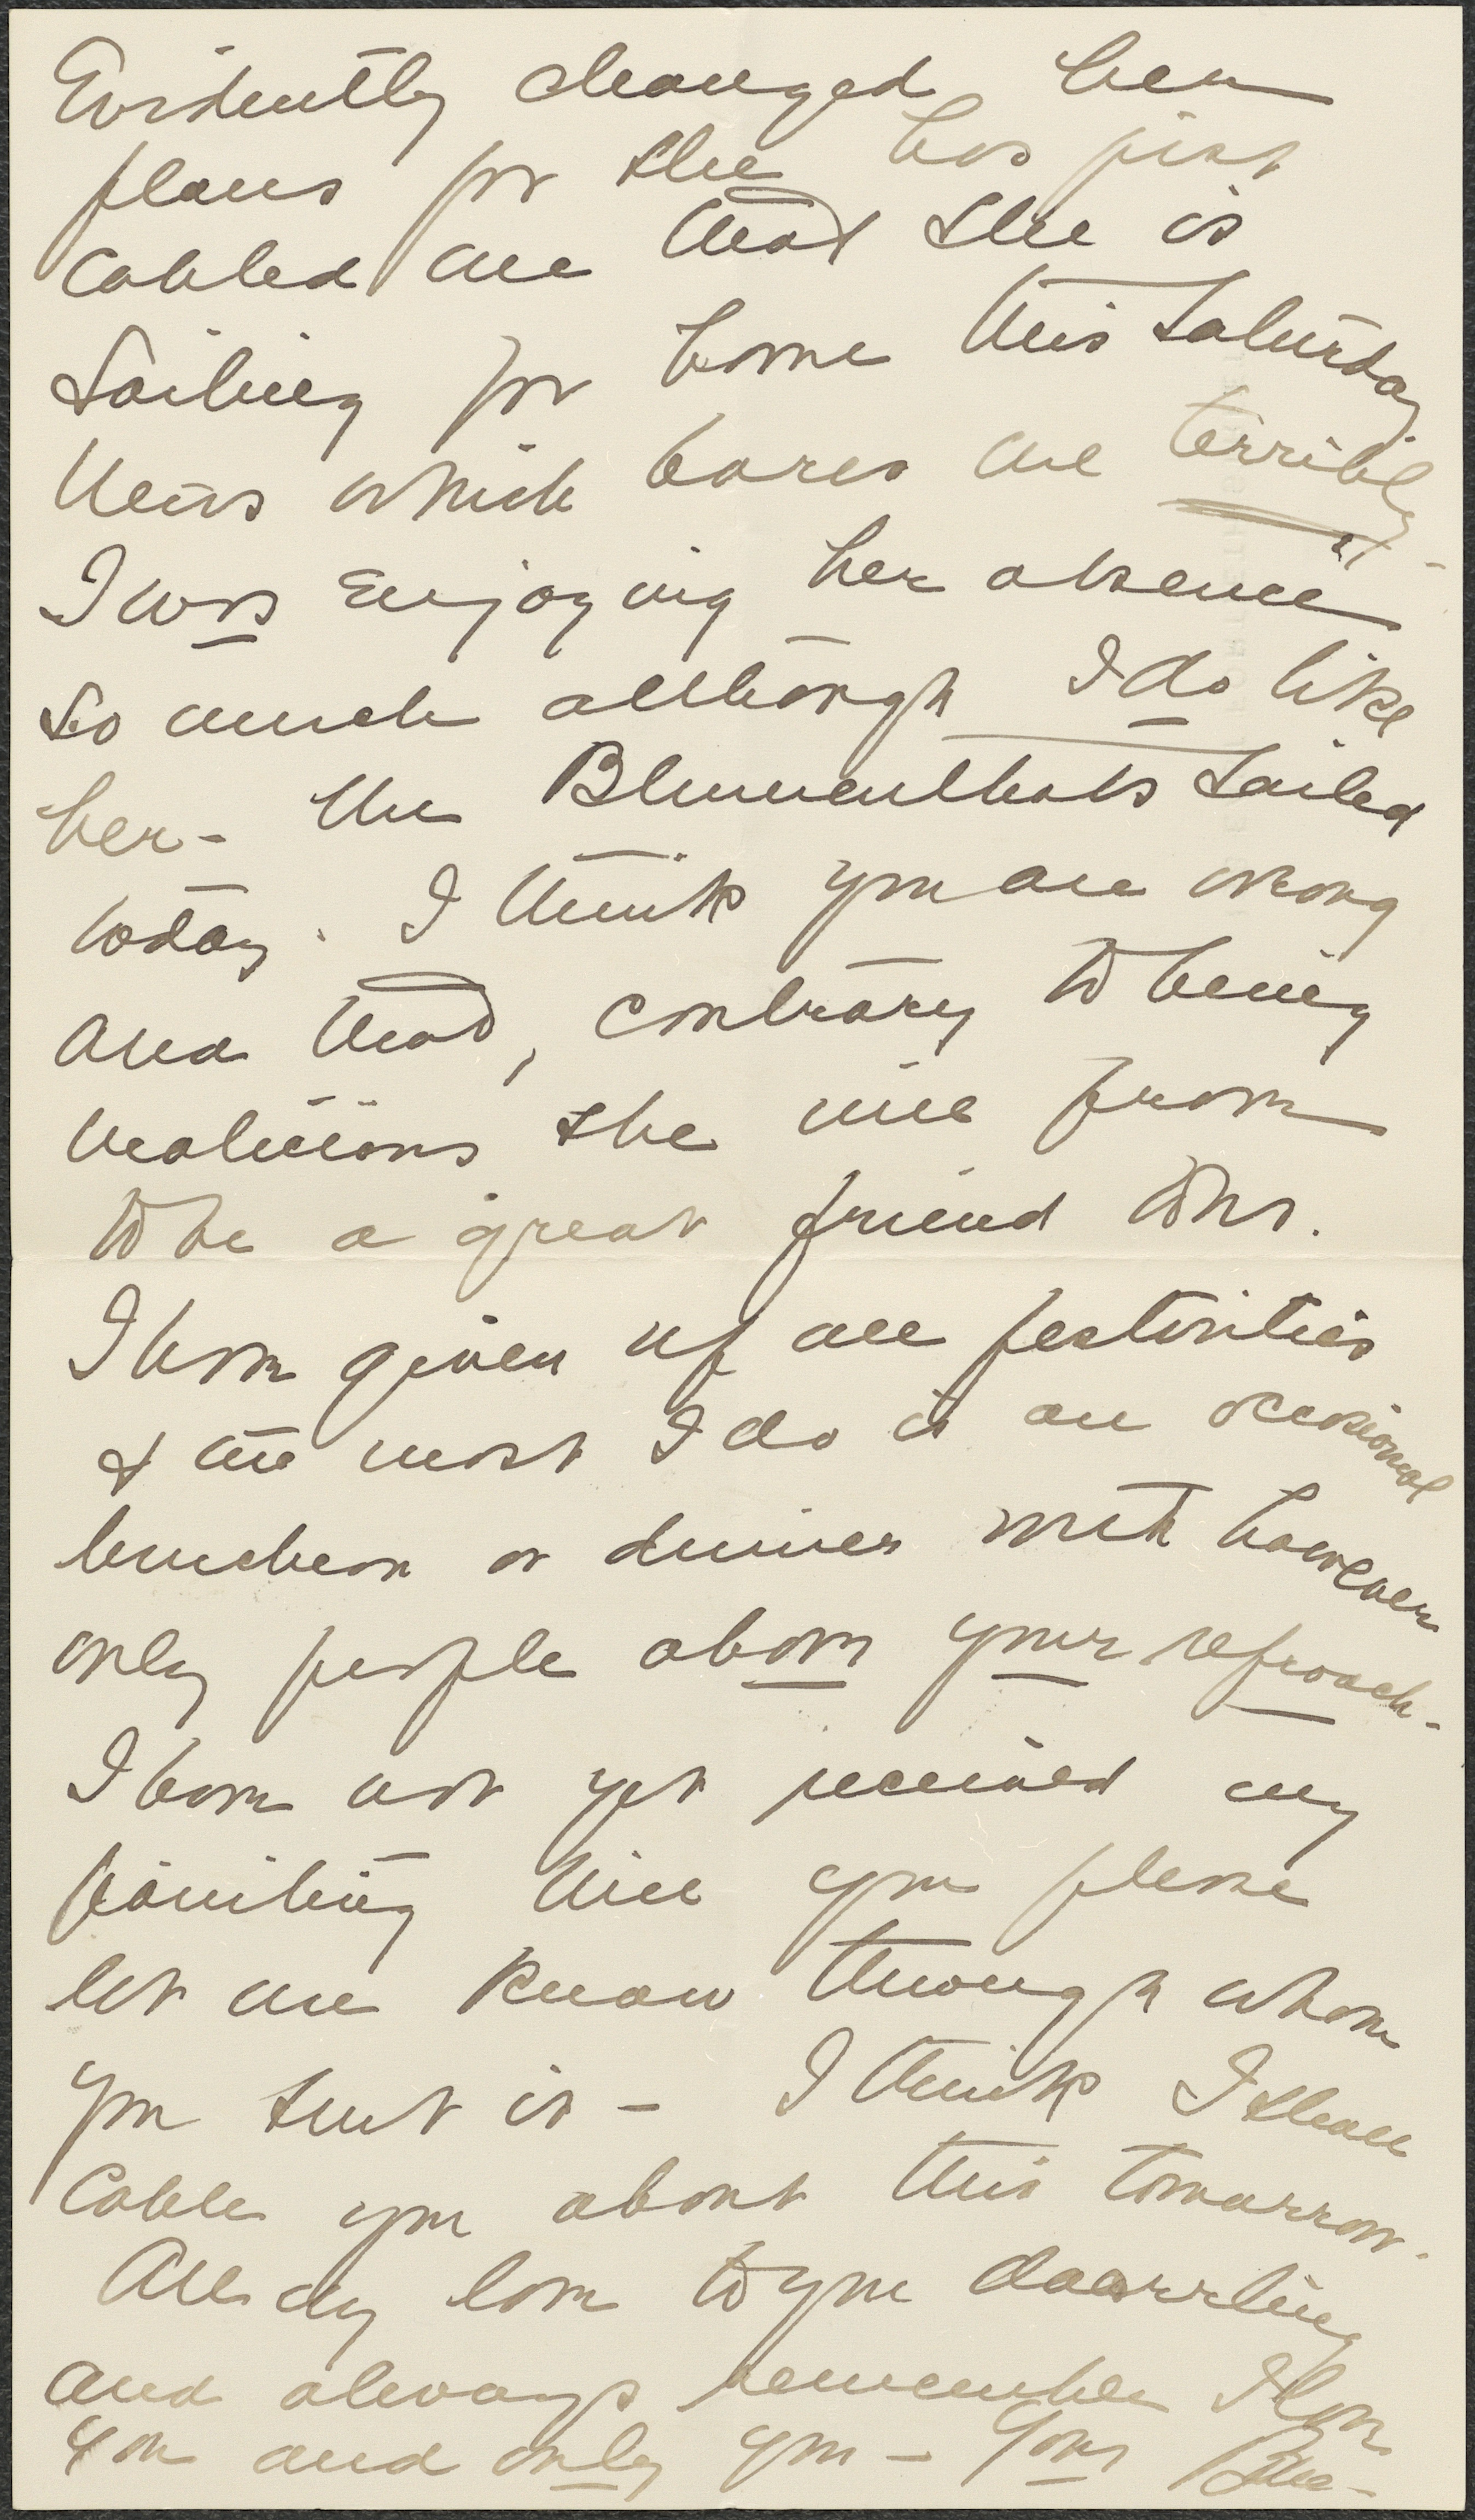evidently changed her plans for she has just cabled me that she is sailing for home this Saturday. News which bores me terribly. I was enjoying her absence so much although I do like her – the Blumenthals sailed today. I think you are wrong and that, contrary to being malicious she will prove to be a great friend to me. I have given up all festivities & the most I do is an occasional luncheon or dinner with however only people above your reproach. I have not yet received my painting will you please let me know through whom you sent it – I think I shall cable you about this tomorrow.
All my love to you daarrling and always remember I love you and only you – Your Belle –